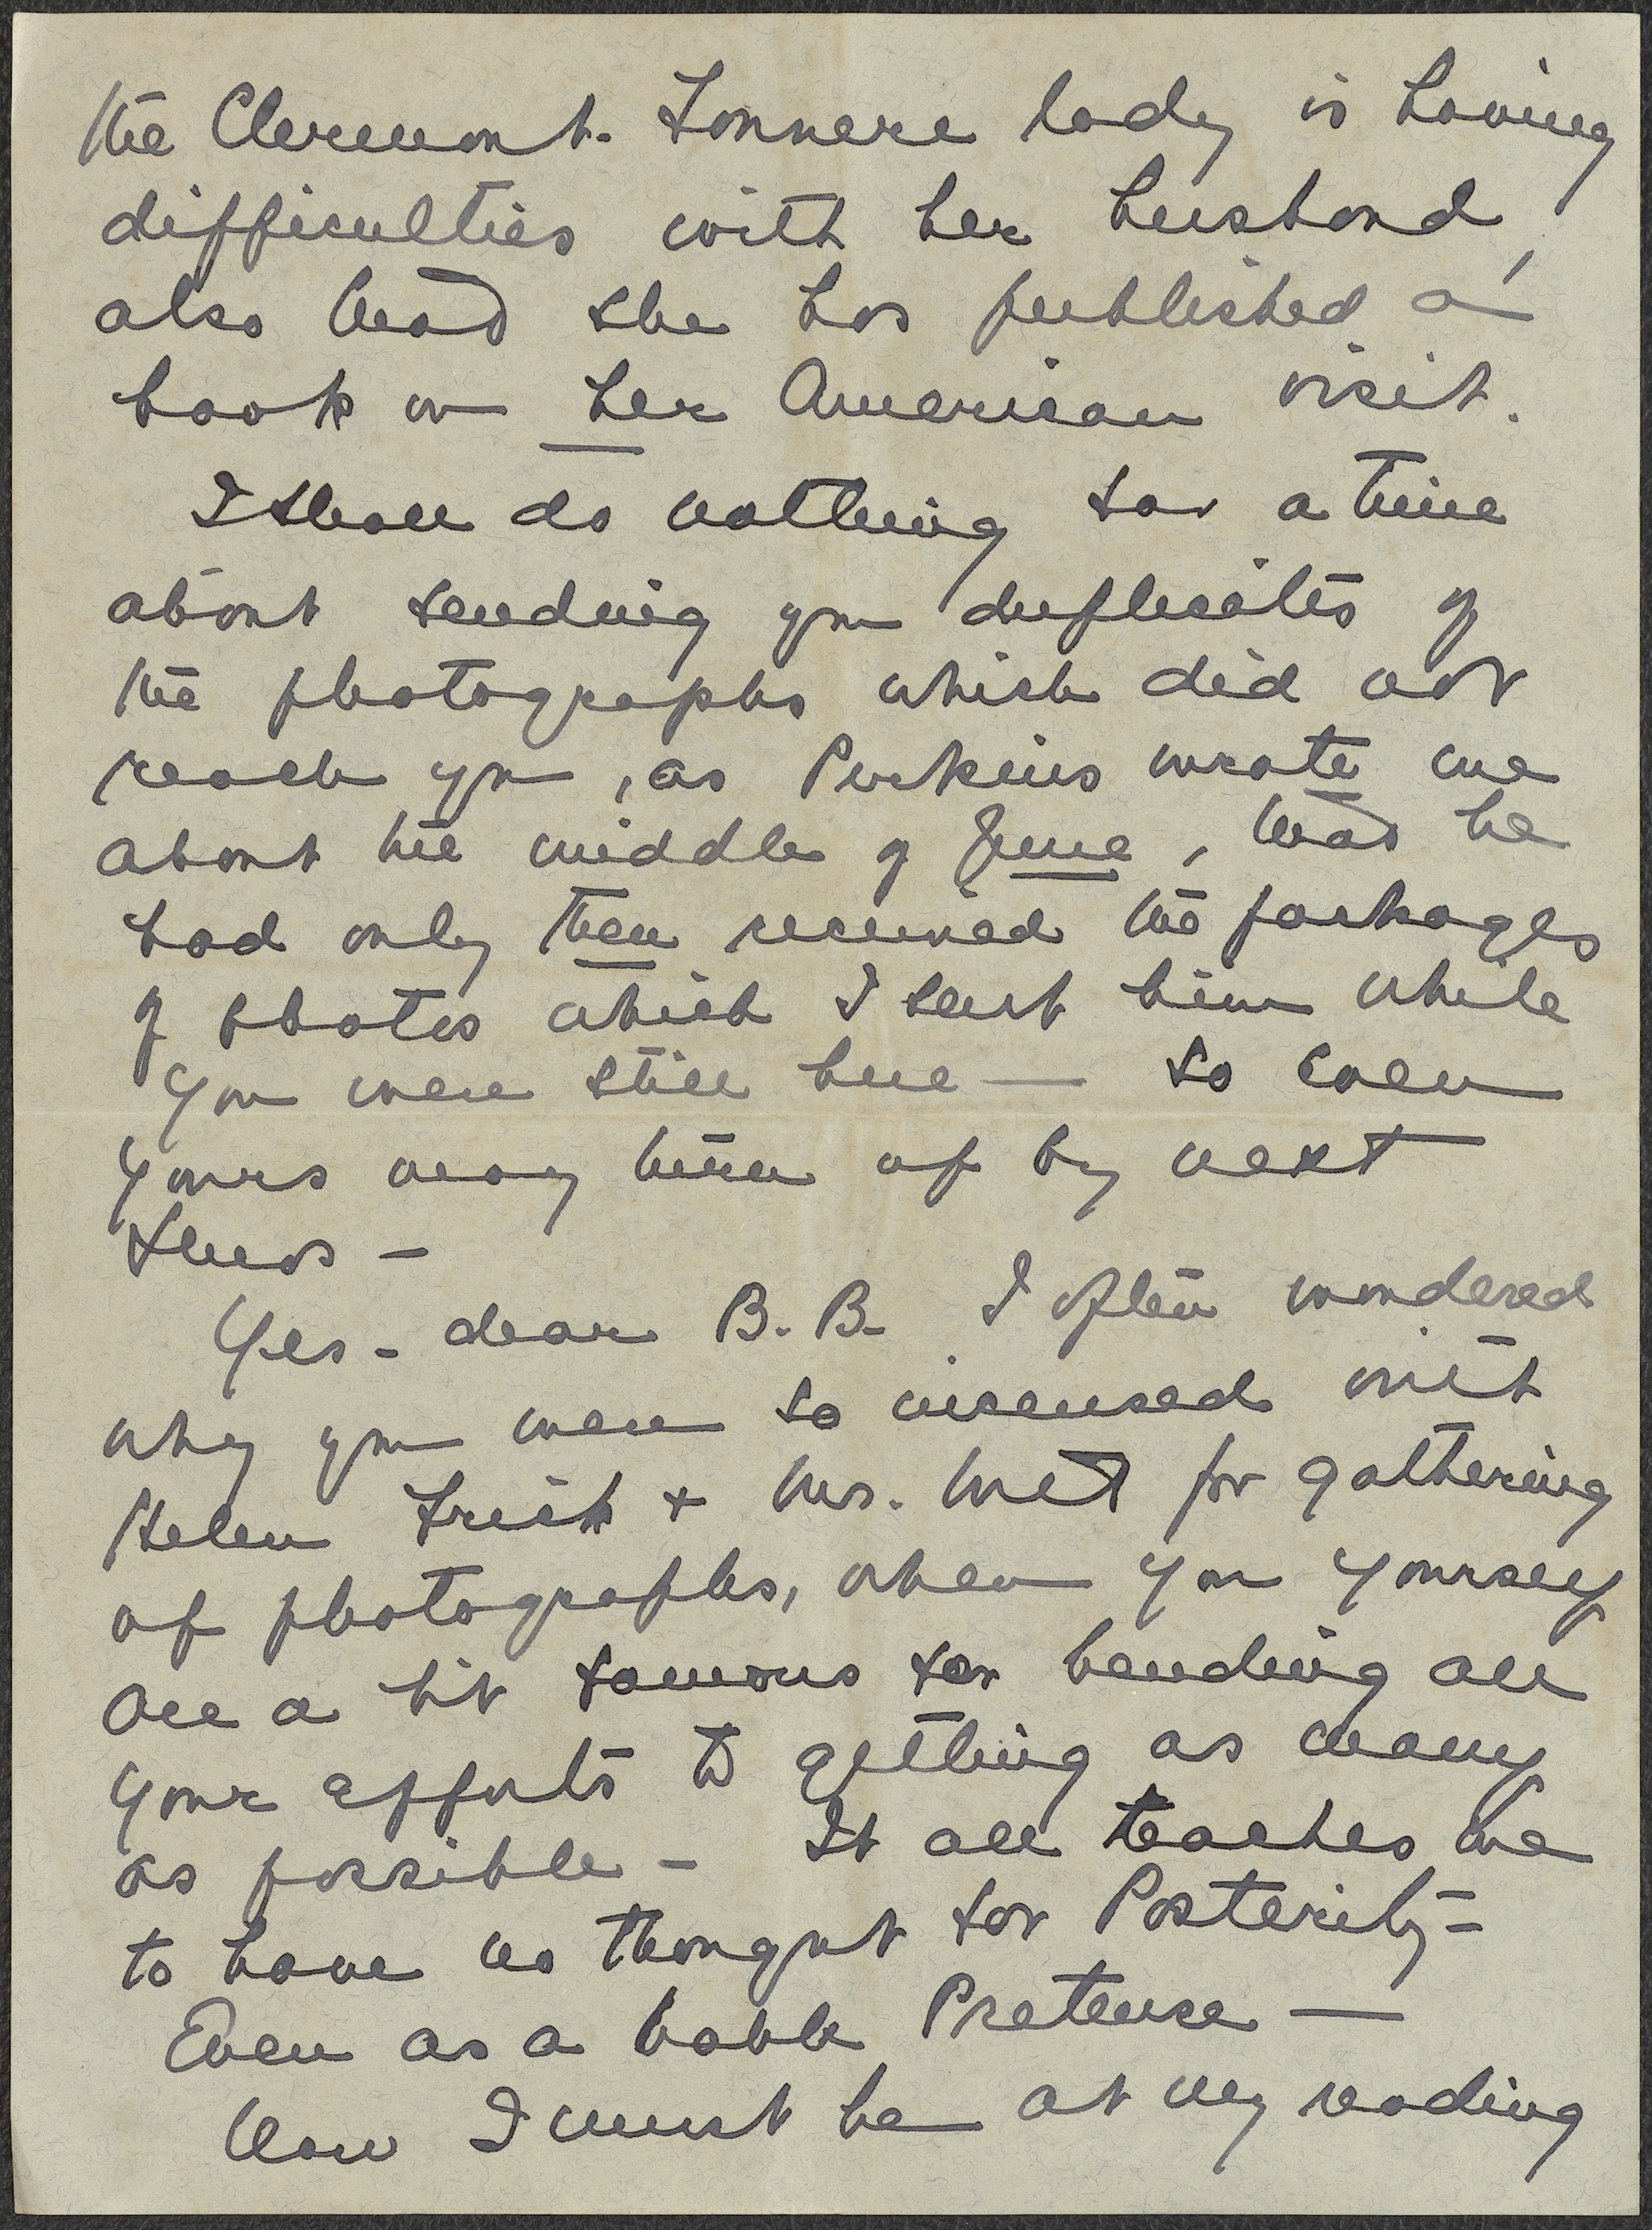the Clermont-Tonnere lady is having difficulties with her husband, also that she has published a book on her American visit –
I shall do nothing for a time about sending you duplicates of the photographs which did not reach you, as Perkins wrote me about the middle of June, that he had only then received the packages of photos which I sent him while you were still here – so even yours may turn up by next Xmas –
Yes – dear B.B – I often wondered why you were so incensed with Helen Frick & Mr. Witt for gathering up photographs, when you yourself are a bit famous for bending all your efforts to getting as many as possible – It all teaches me to have no thought for Posterity – Even as a noble Pretense –
Now I must be at my reading